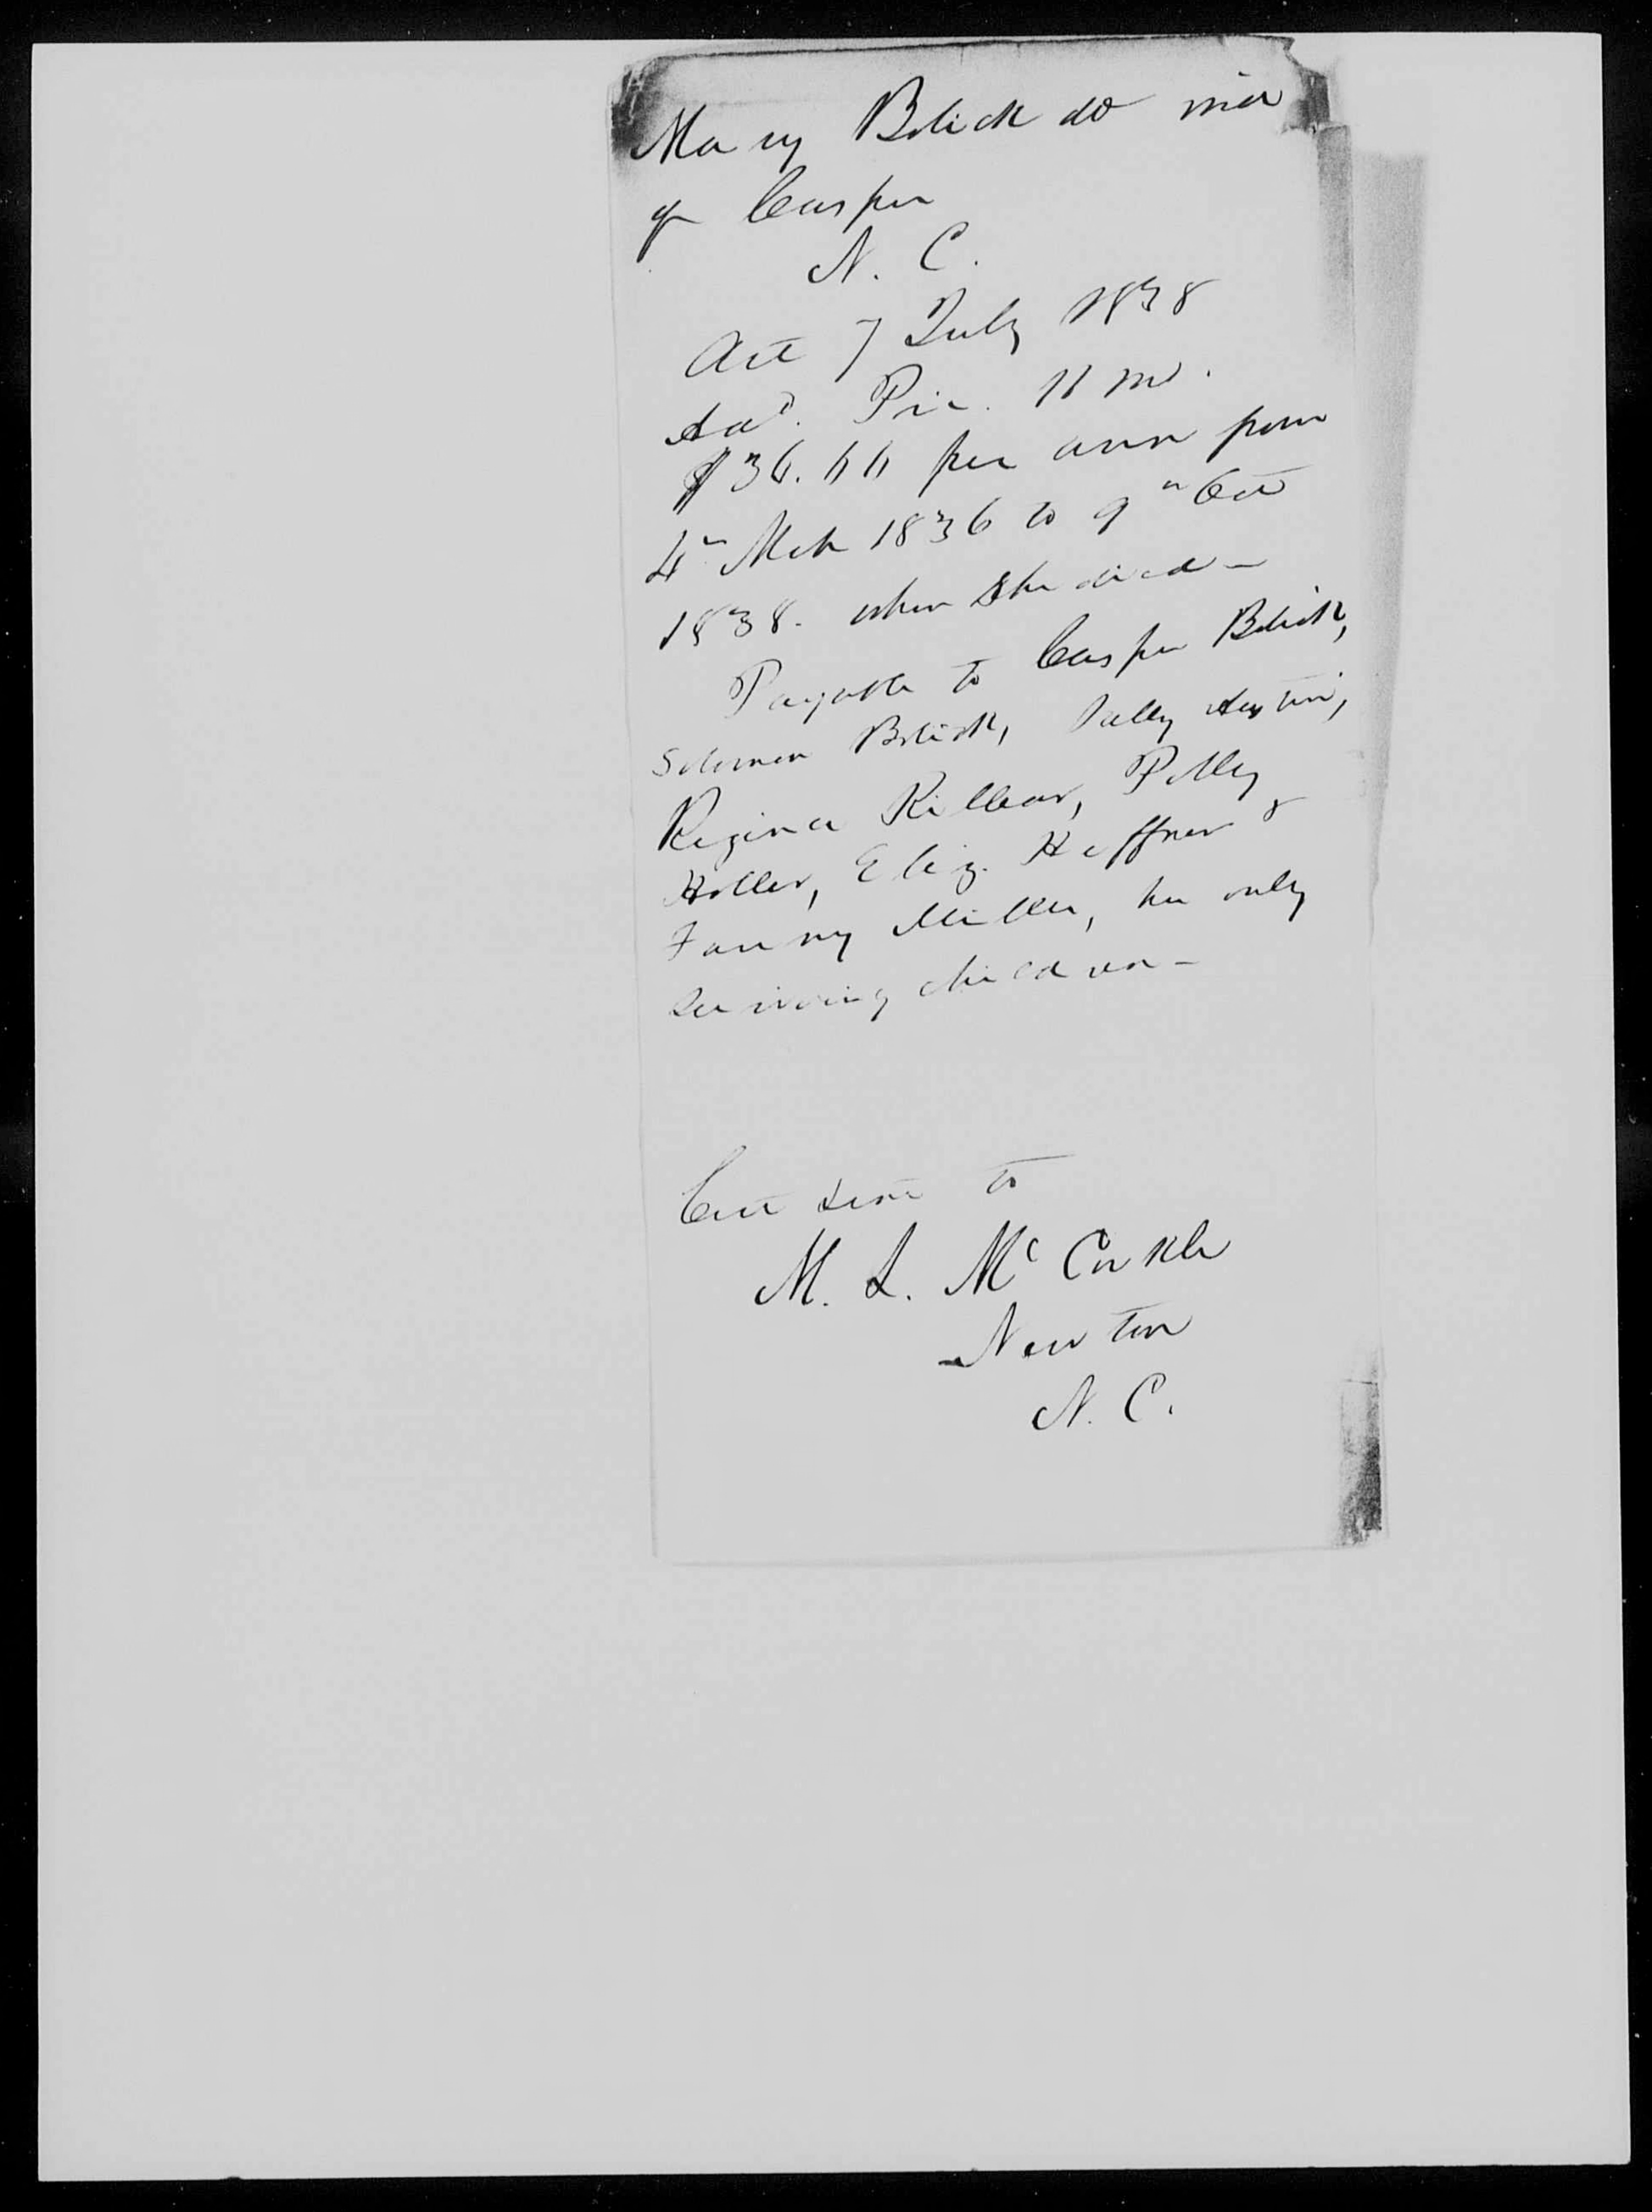Mary Bolick dec'd. widow of Casper
N. C.
Act 7 July 1898
Ad'd. pri. 11m.
$36.66 per ann. from 4th March 1836 to 9th Oct. 1838 when she died -
Payable to Casper Bolick
Solomon Bolick, 
Sally Austin,
Regina Killean,
Polly Holler,
Eliz. Hoffman & 
Fanny Miller, her only surviving children

but sent to M. L. McCorkle
Newton 
N. C.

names: Mary Bolick, Polly Holler, Sally Austin, Casper Bolick, Fanny Miller, Solomon Bolick, Eliz Hoffner, Casper Bolick, Rogina Killian, M L Mc Corkle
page: 22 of 43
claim: widow's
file: W. 18,566, Casper Bolick, N.C.